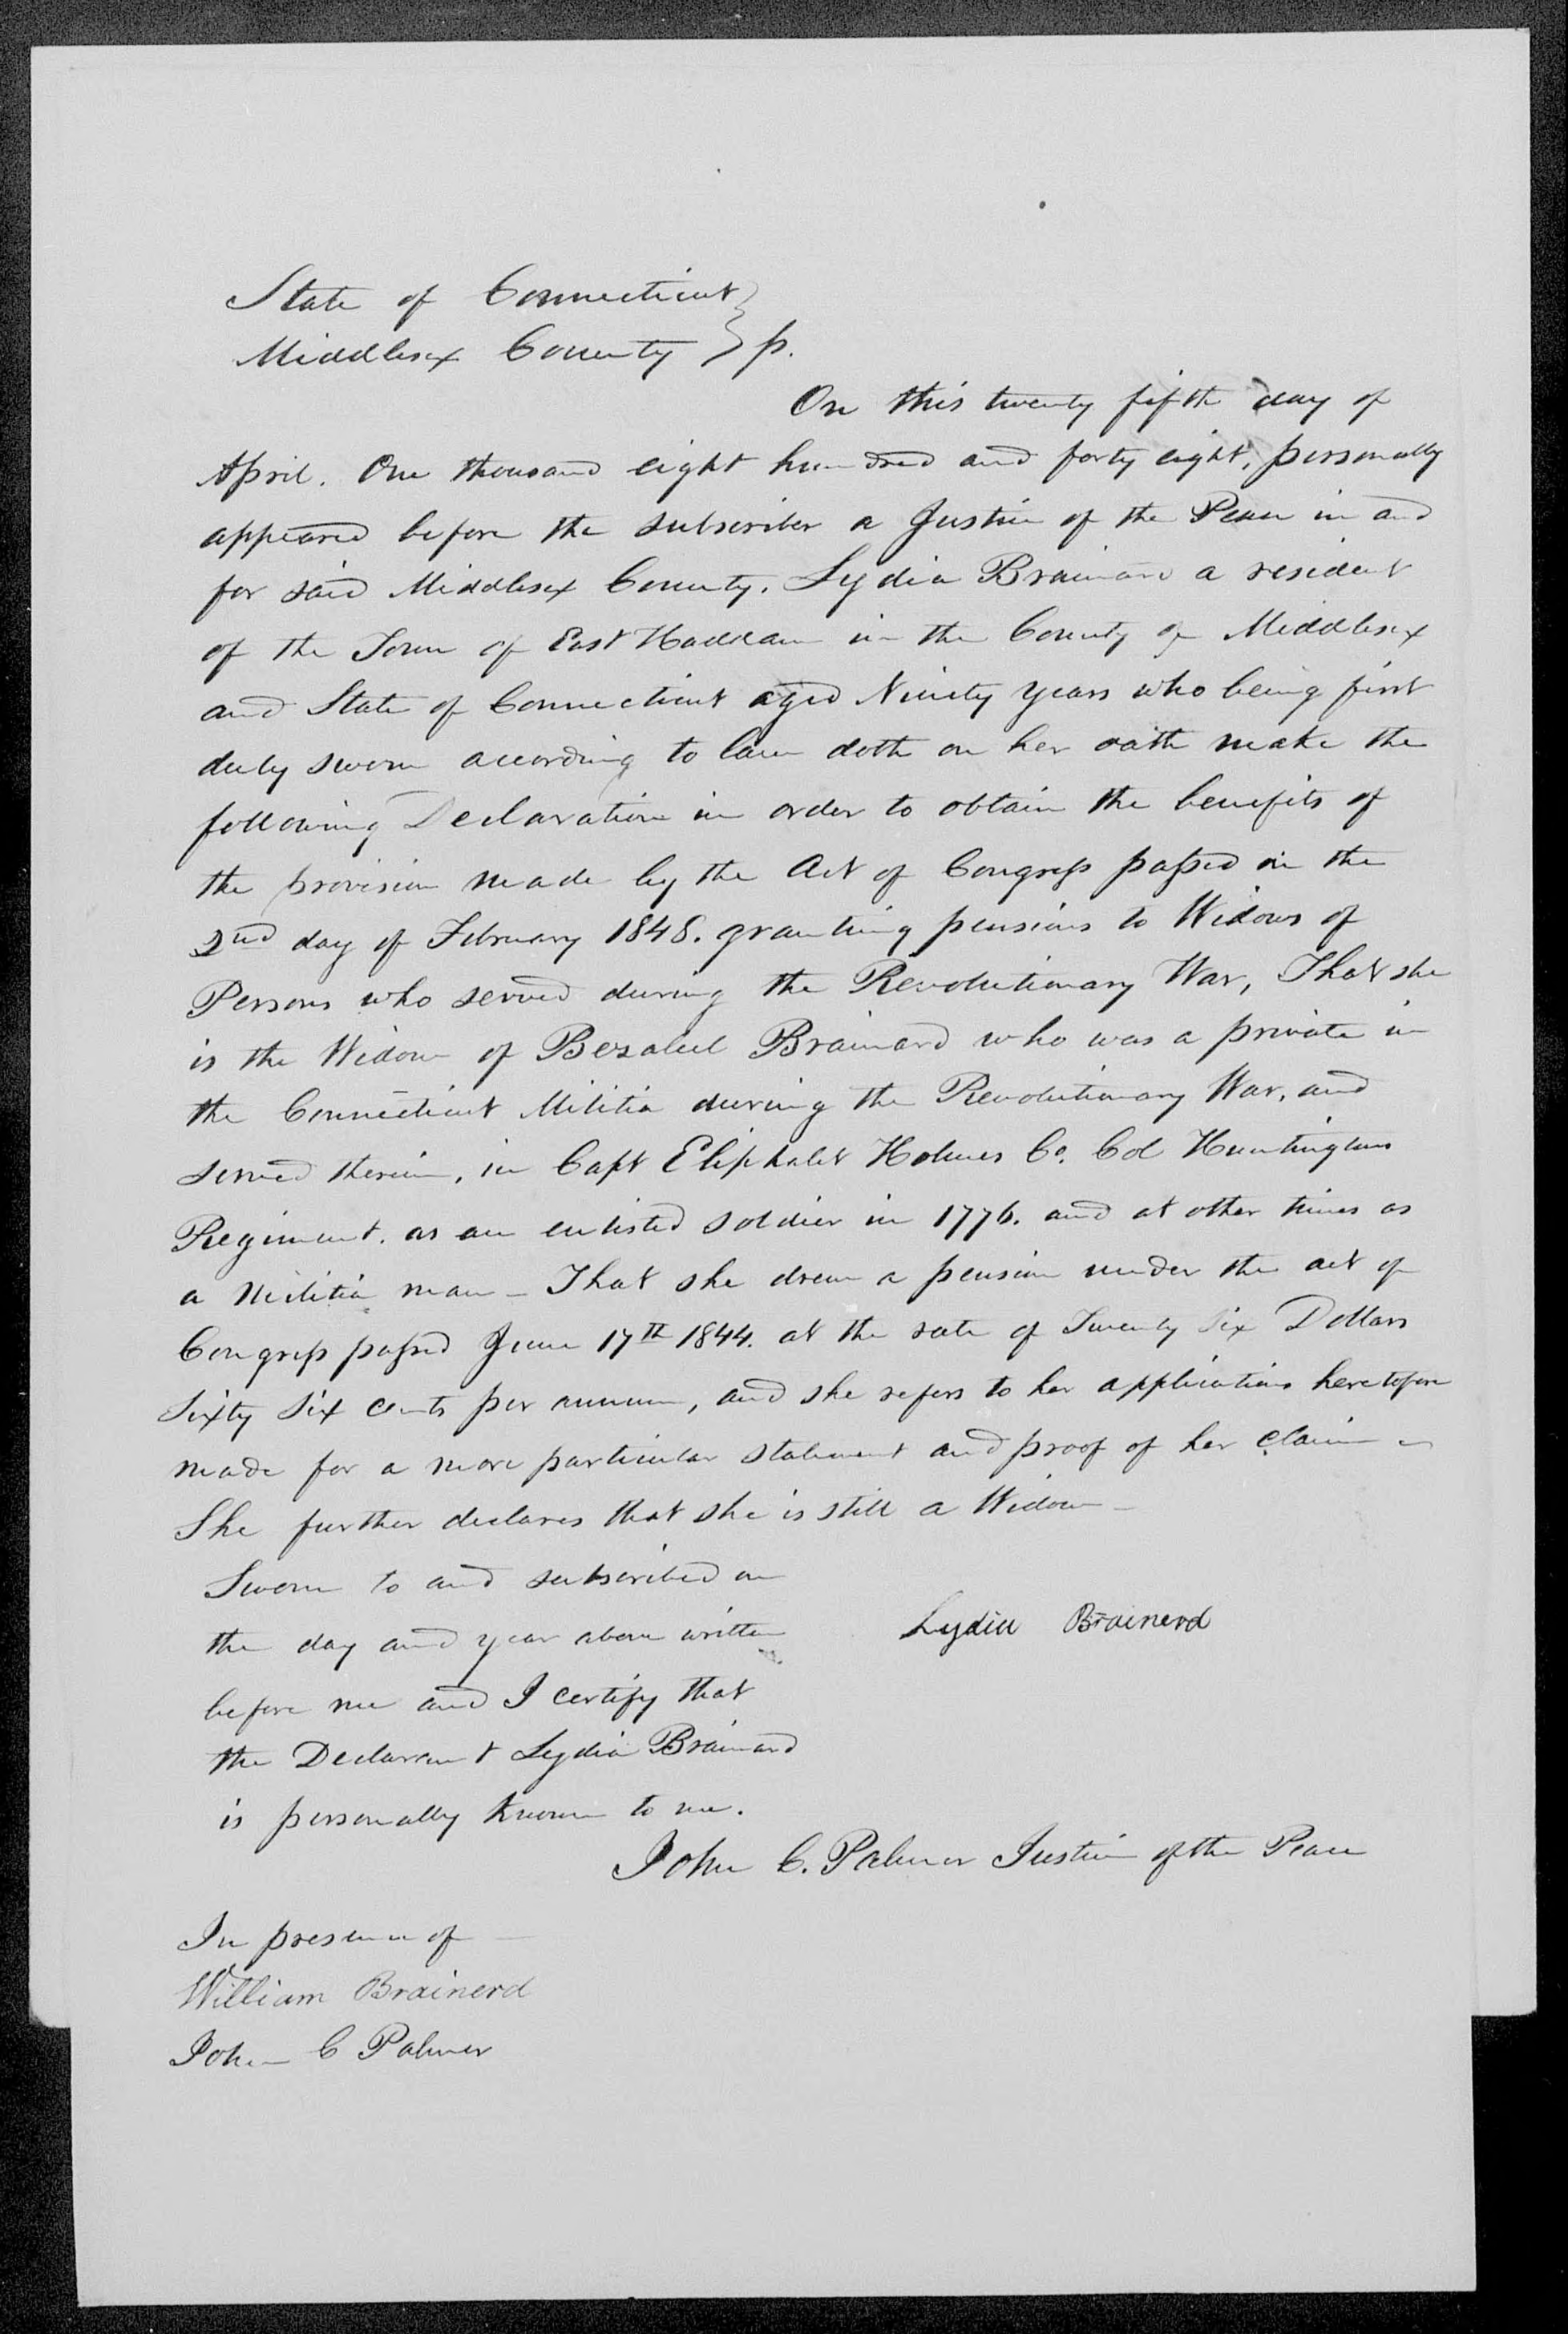State of Connecticut}
Middlesex County } ss. On this twenty fifth day of April One thousand eight hundred and forty eight, personally appeared before the subscriber a Justice of the Peace in and for said Middlesex County, Lydia Brainard a resident of the Town of East Haddam in the County of Middlesex and State of Connecticut aged Ninety years who being first duly sworn according to law doth on her oath make the following declaration in order to obtain the benefits of the provision made by the Act of Congress passed on the 2nd day of February 1848 granting pensions to Widows of Persons who served during the Revolutionary War, That she is the widow of Bezaleel Brainard who was a private in the Connecticut Militia during the Revolutionary War, and served therein, in Capt Eliphalet Holmes Co. Col Huntingtons Regiment as an enlisted soldier in 1776, and at other times as a militia man. That she drew a pension under the act of Congress passed June 17th 1844. at the rate of Twenty Six Dollars Sixty six cents per annum, and she refers to her application heretofore made for a more particular statement and proof of her claim - She further declares that she is still a Widow-
[signature] Lydia Brainerd
Sworn to and subscribed on the day and year above written before me and I certify that the Declarant & Lydia Brainard is personally known to me
[signature] John C. Palmer Justice of the Peace
In presence of
[signature] William Brainerd
[signature] John C Palmer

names: John C Palmer, Lydia Brainerd, William Brainerd, Lydia Brainard, Lydia Brainard, John C Palmer, Bezaleel Brainard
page: 18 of 25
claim: widow's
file: W. 23,671, Bezaleel Brainard, Conn.